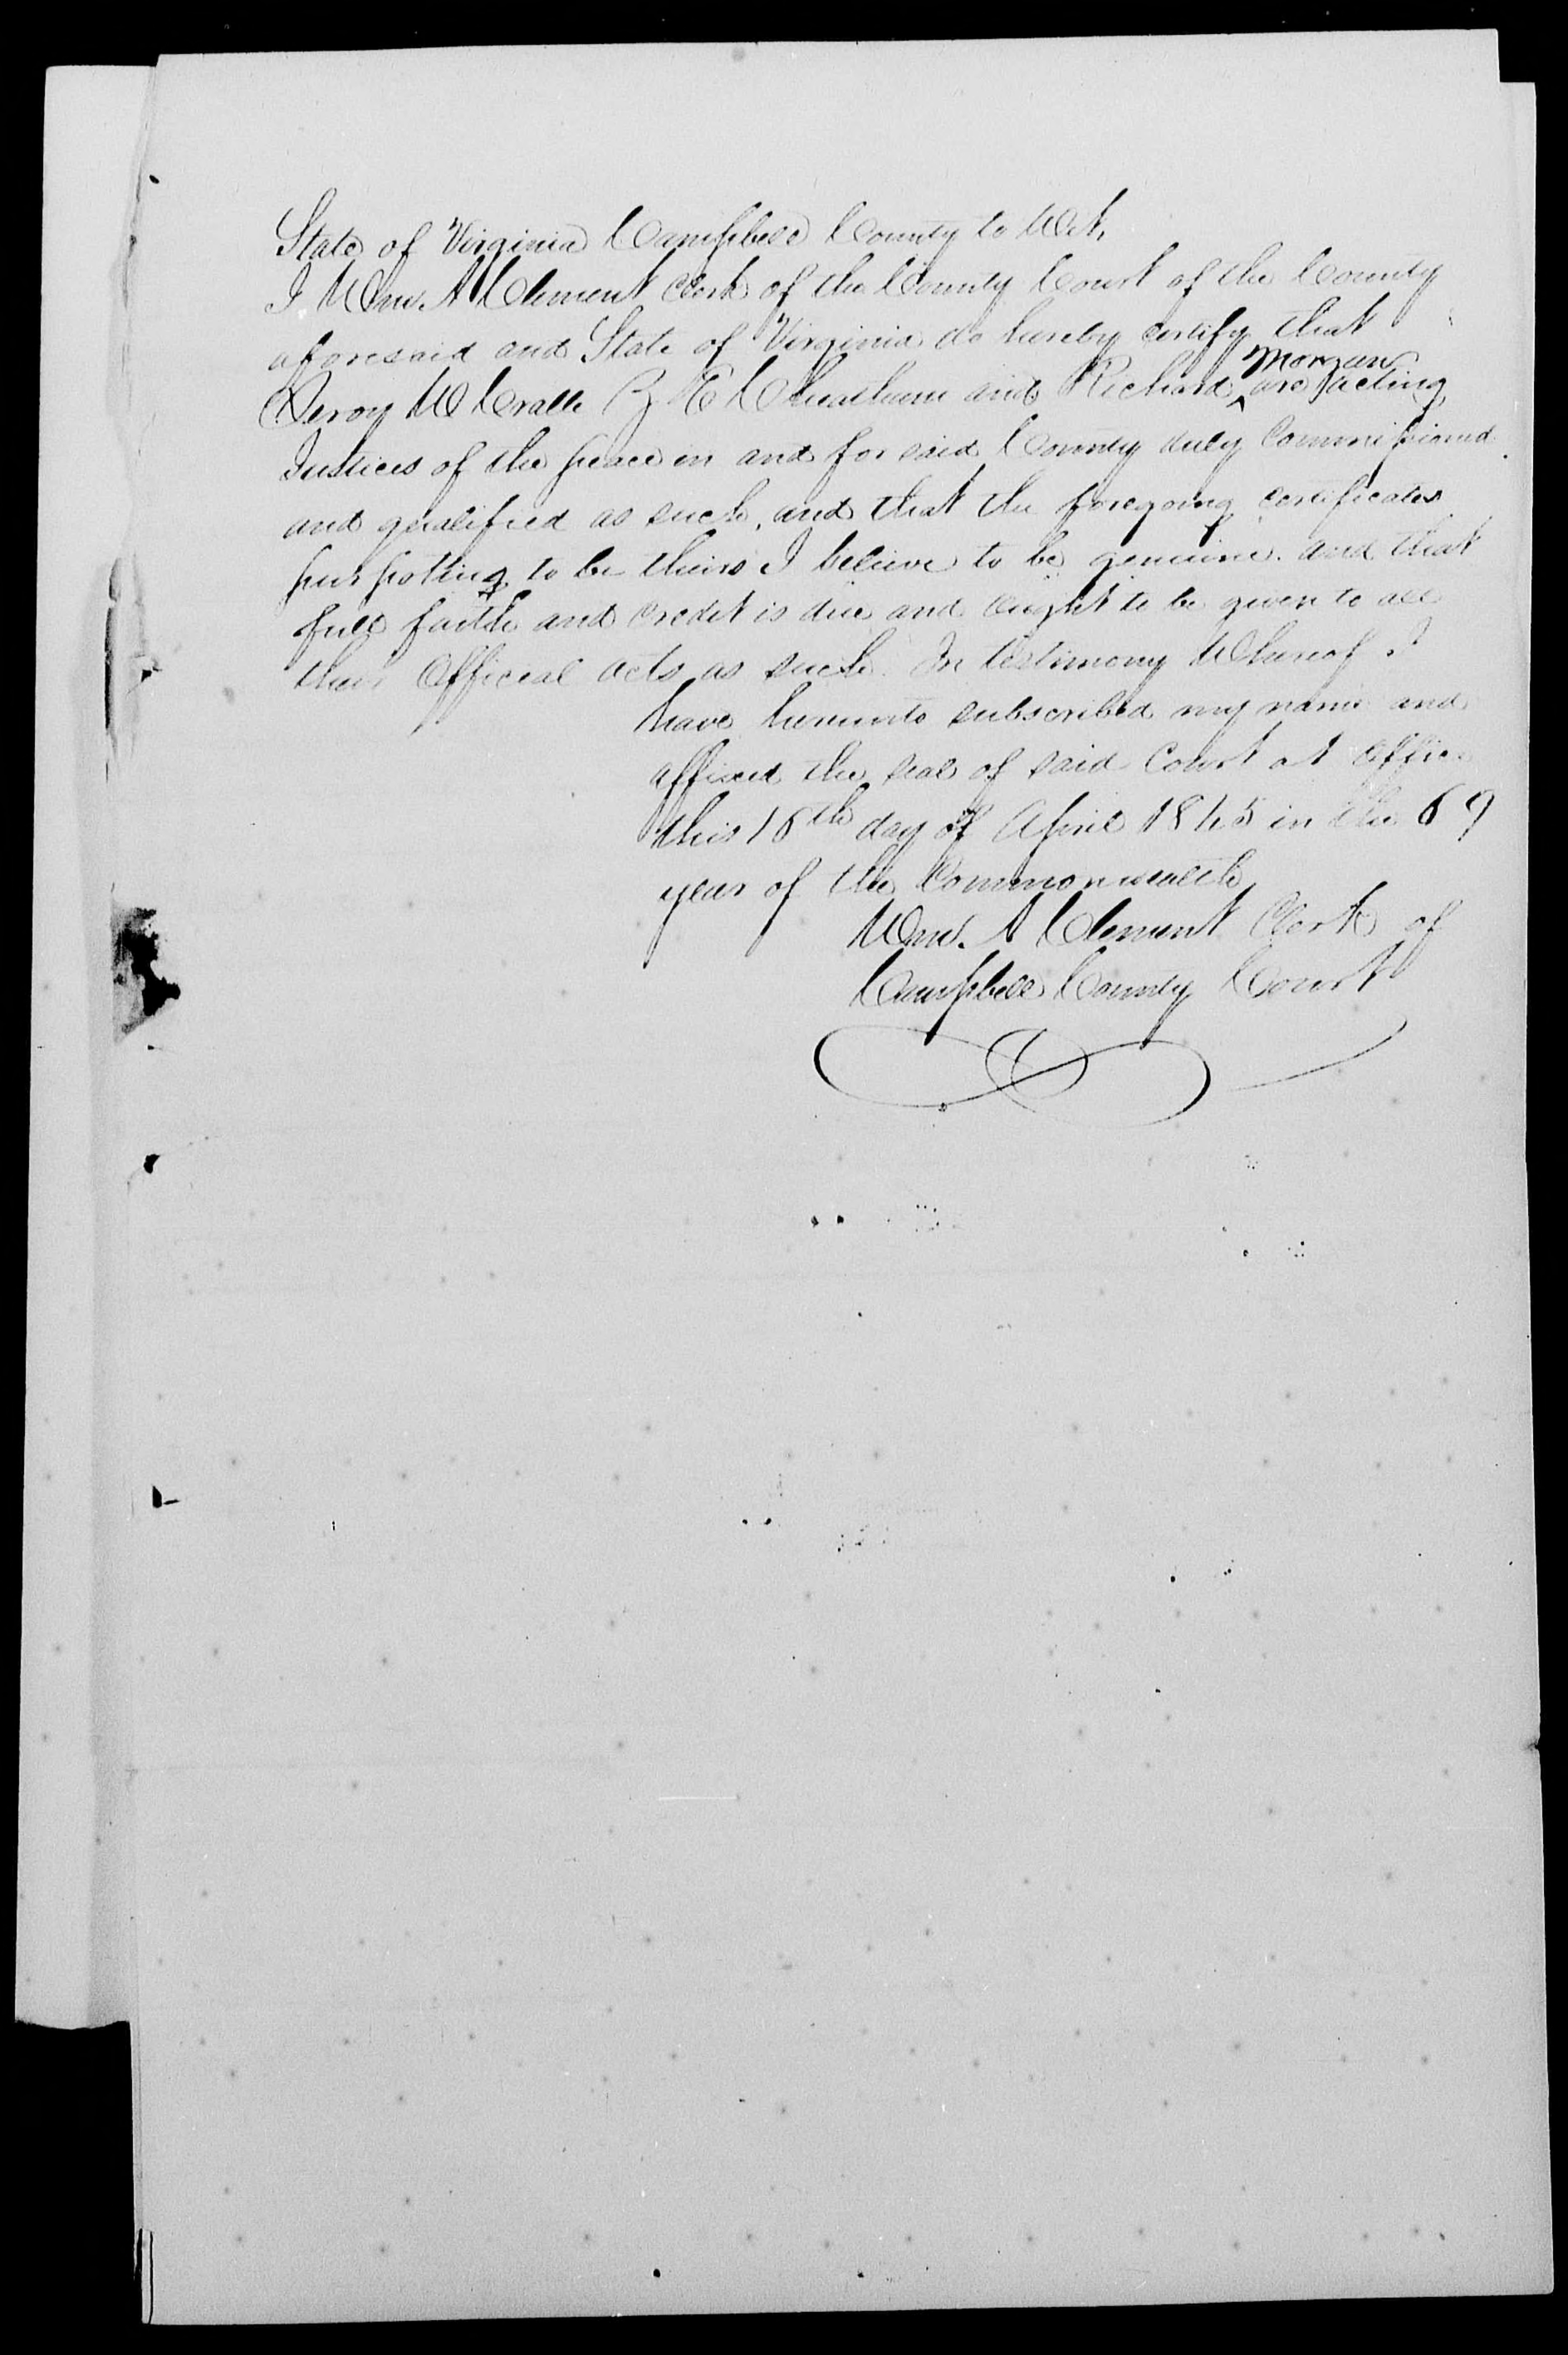State of Virginia, Campbell County, to wit, 
I, Wm A. Clement, Clerk of the County Court of the County aforesaid and State of Virginia do hereby certify that Leroy W. Cralle & Z. E. Cheatham and Richard morgan are [illegible] justices of the peace in and for said county duty commissioned and qualified [illegible], and that the foregoing certification fourth thing to be [illegible] believe to be procured and that full faith and credit is dire and ought to be given to all their official acts as such. In testimony whereof I have hereunto subscribed my name and affixed the seal of said court and office this 18th day of april 1865 in the 89th year of the Commonwealth 

Wm. A. Clement Clerk of 
Cumberland County Court

[signature]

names: Wm A Clement, Z E Cheatham, Wm A Clement, Leroy W Cralle, Richard Morgan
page: 20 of 31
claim: widow's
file: W. 3759, John Bryan, Va.